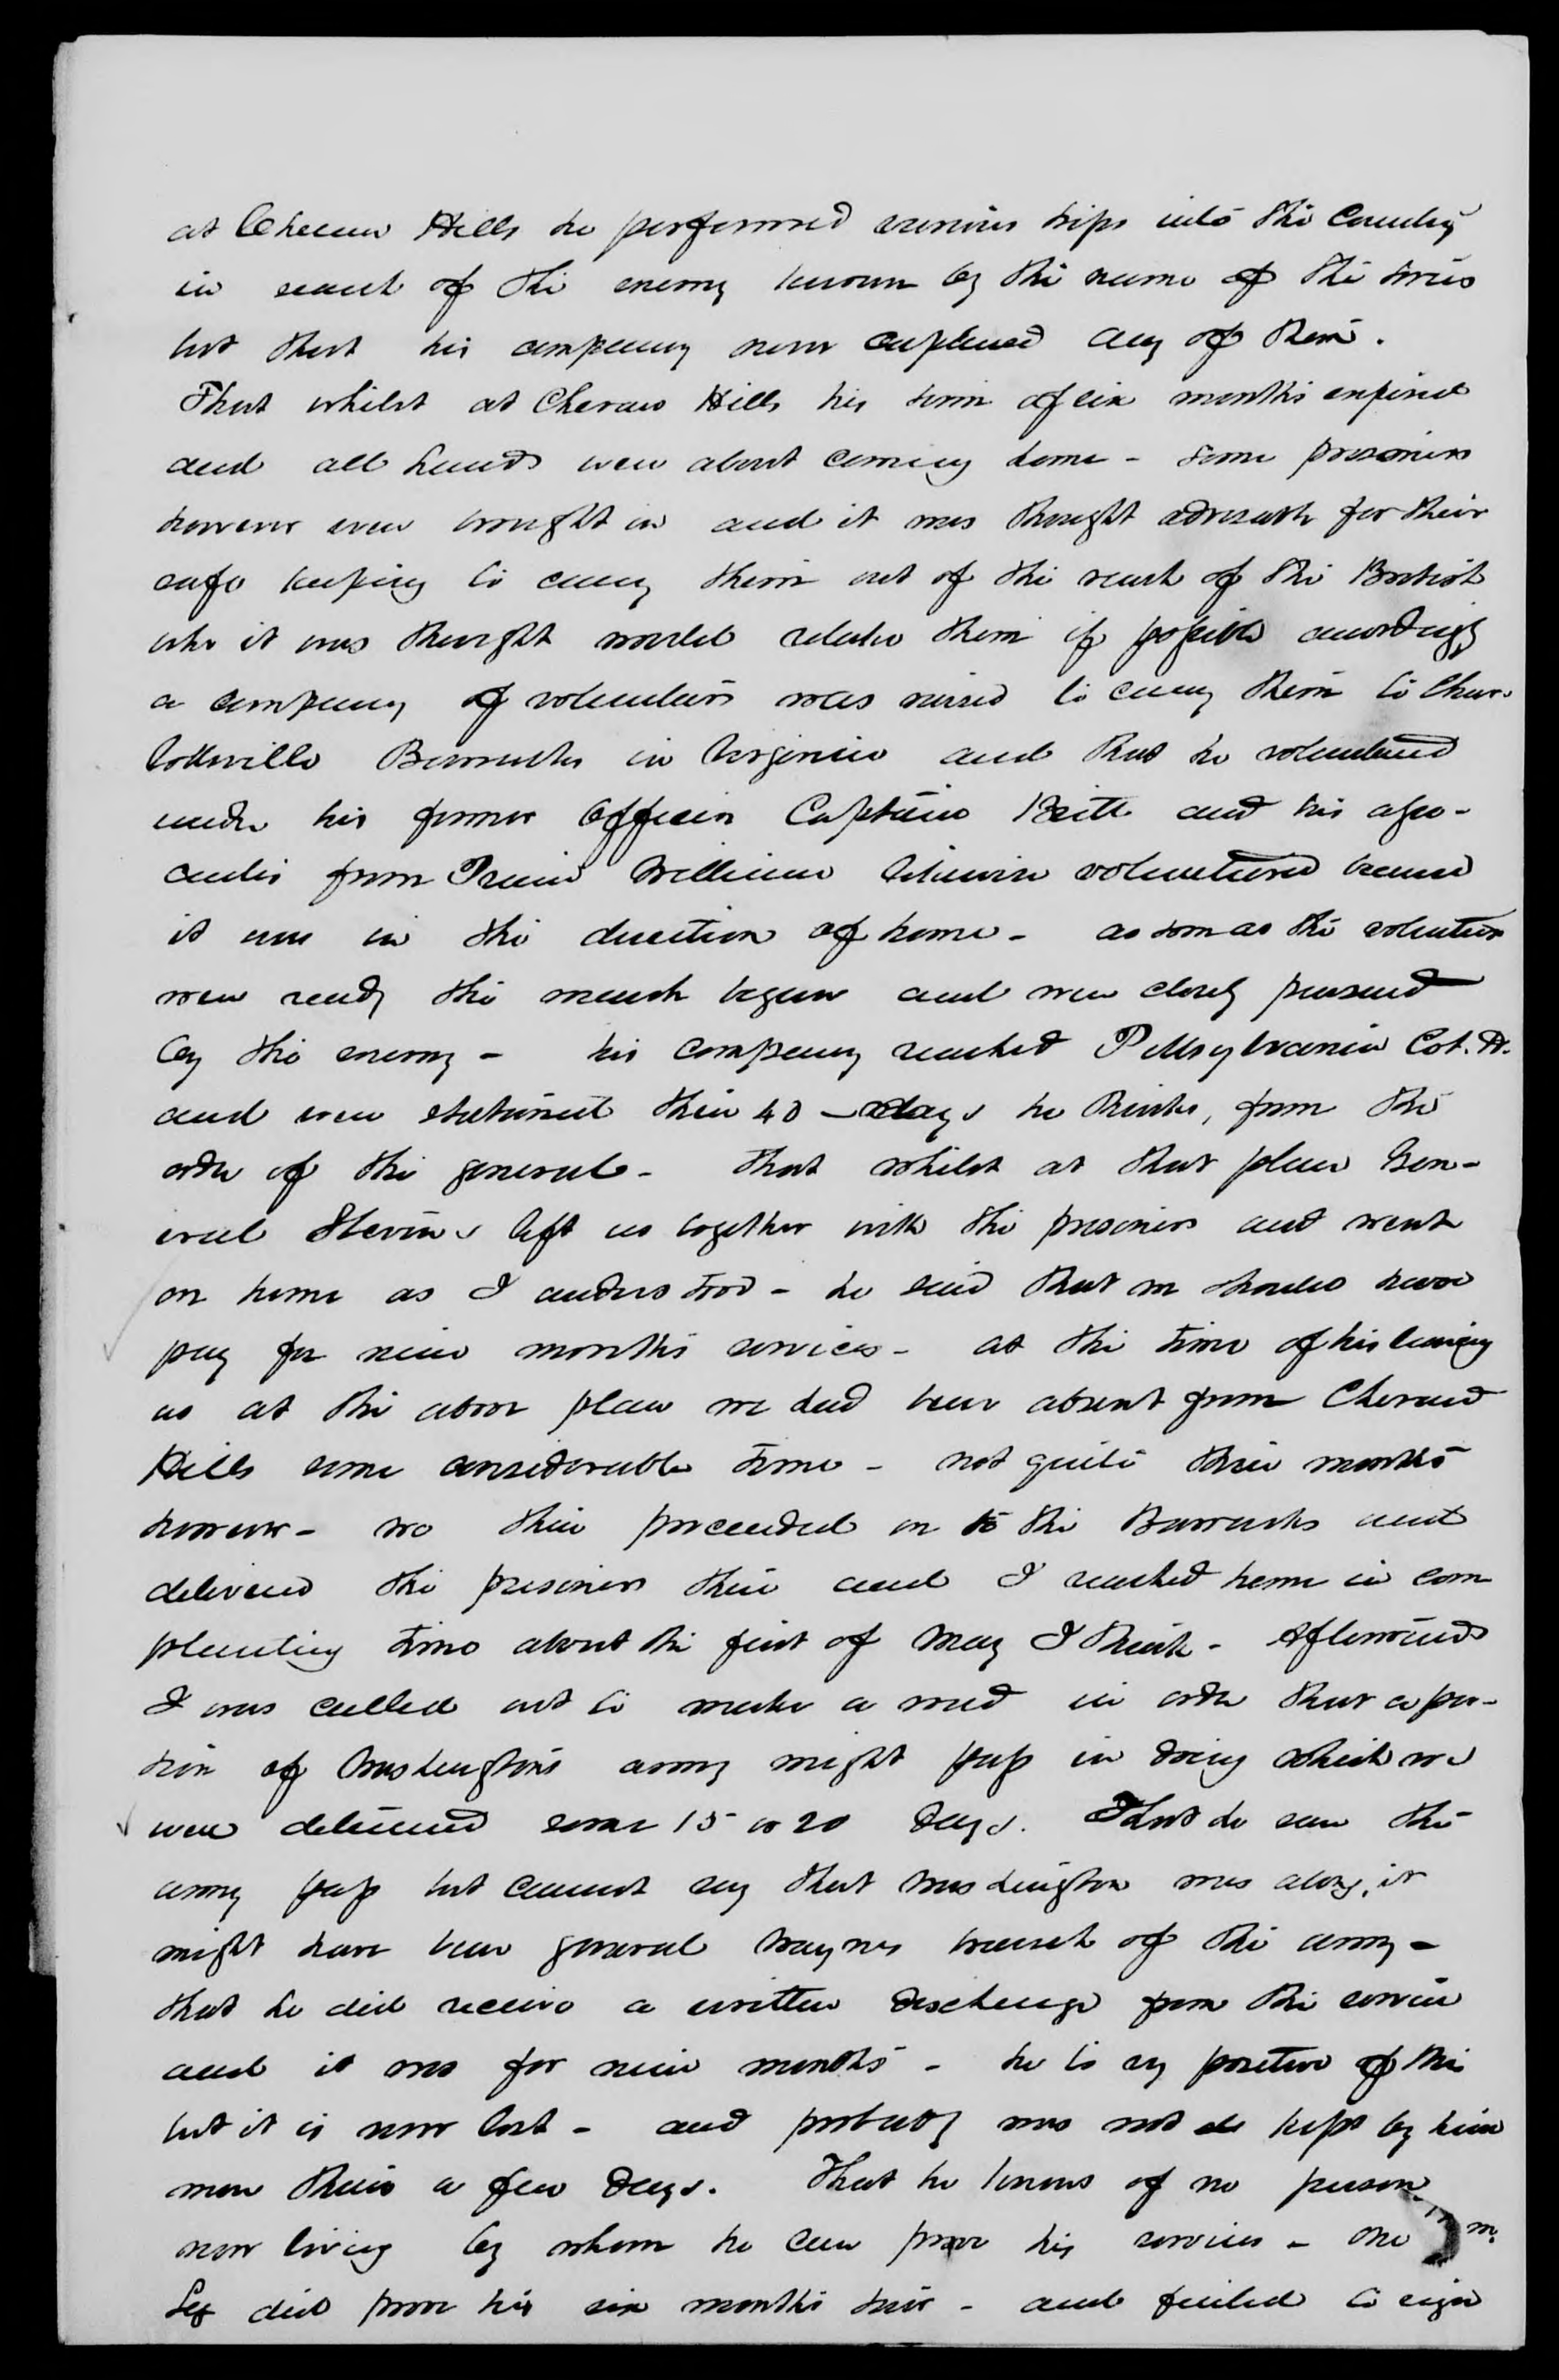at Cheraw Hills he performed [illegible] trips into this Country in search of the enemy known by the name of  Tories but that his company never captured any of them. 
That whilst at Cheraw Hills his term of six months expired and all hands were about coming home-- some prisoners however were brought in and it was thought advisable for their safe keeping to carry them out of the reach of the British who it was thought would retake them if possible accordingly
a company of volunteers was used to carry them to the Charlottesville Barracks in Virginia and then he volunteered under his former officers Captain Britt and his [illegible] from Prince William likewise volunteered because it was in the direction of home, as soon as the volunteer was ready the march begun and were closely pursued by the enemy - his company reached Pittsylvania Col. [County Va]
and new enlistments their 40 days, he thinks, from the order of the general. That whilst at that place General Stevens left us together with the prisoners and went on home as I understood he said that  [illegible] [he?]  should never pay for nine months services as the time of his leaving us at the above place we deed her absent from Cheraw Hills some considerable time, not quite three months
however we then proceeded in to the Barracks and delivered the prisoners there and I reached home in completing time about the first of May I think. Afterwards I was called out to make a med in [illegible] [illegible] with a 
person of Capt Leighton's army might pass in doing were delivered over 15 or 20 days. I do saw the Army pass but cannot say that Capt Leighton was along, it might have been general Waynes branch of  the army
that he did receive a written discharge from this service and is one for nine months - he is [illegible] positive of [illegible] but it is now lost and probably has not do kept by him
more there a few days. That he knows of no person now living by whom he can prove his services. one [illegible] did prove his six months there and filed to sign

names: Waynes, Stevens, Britt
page: 11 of 61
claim: survivor's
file: S. 8236, Daniel Cole, Va.